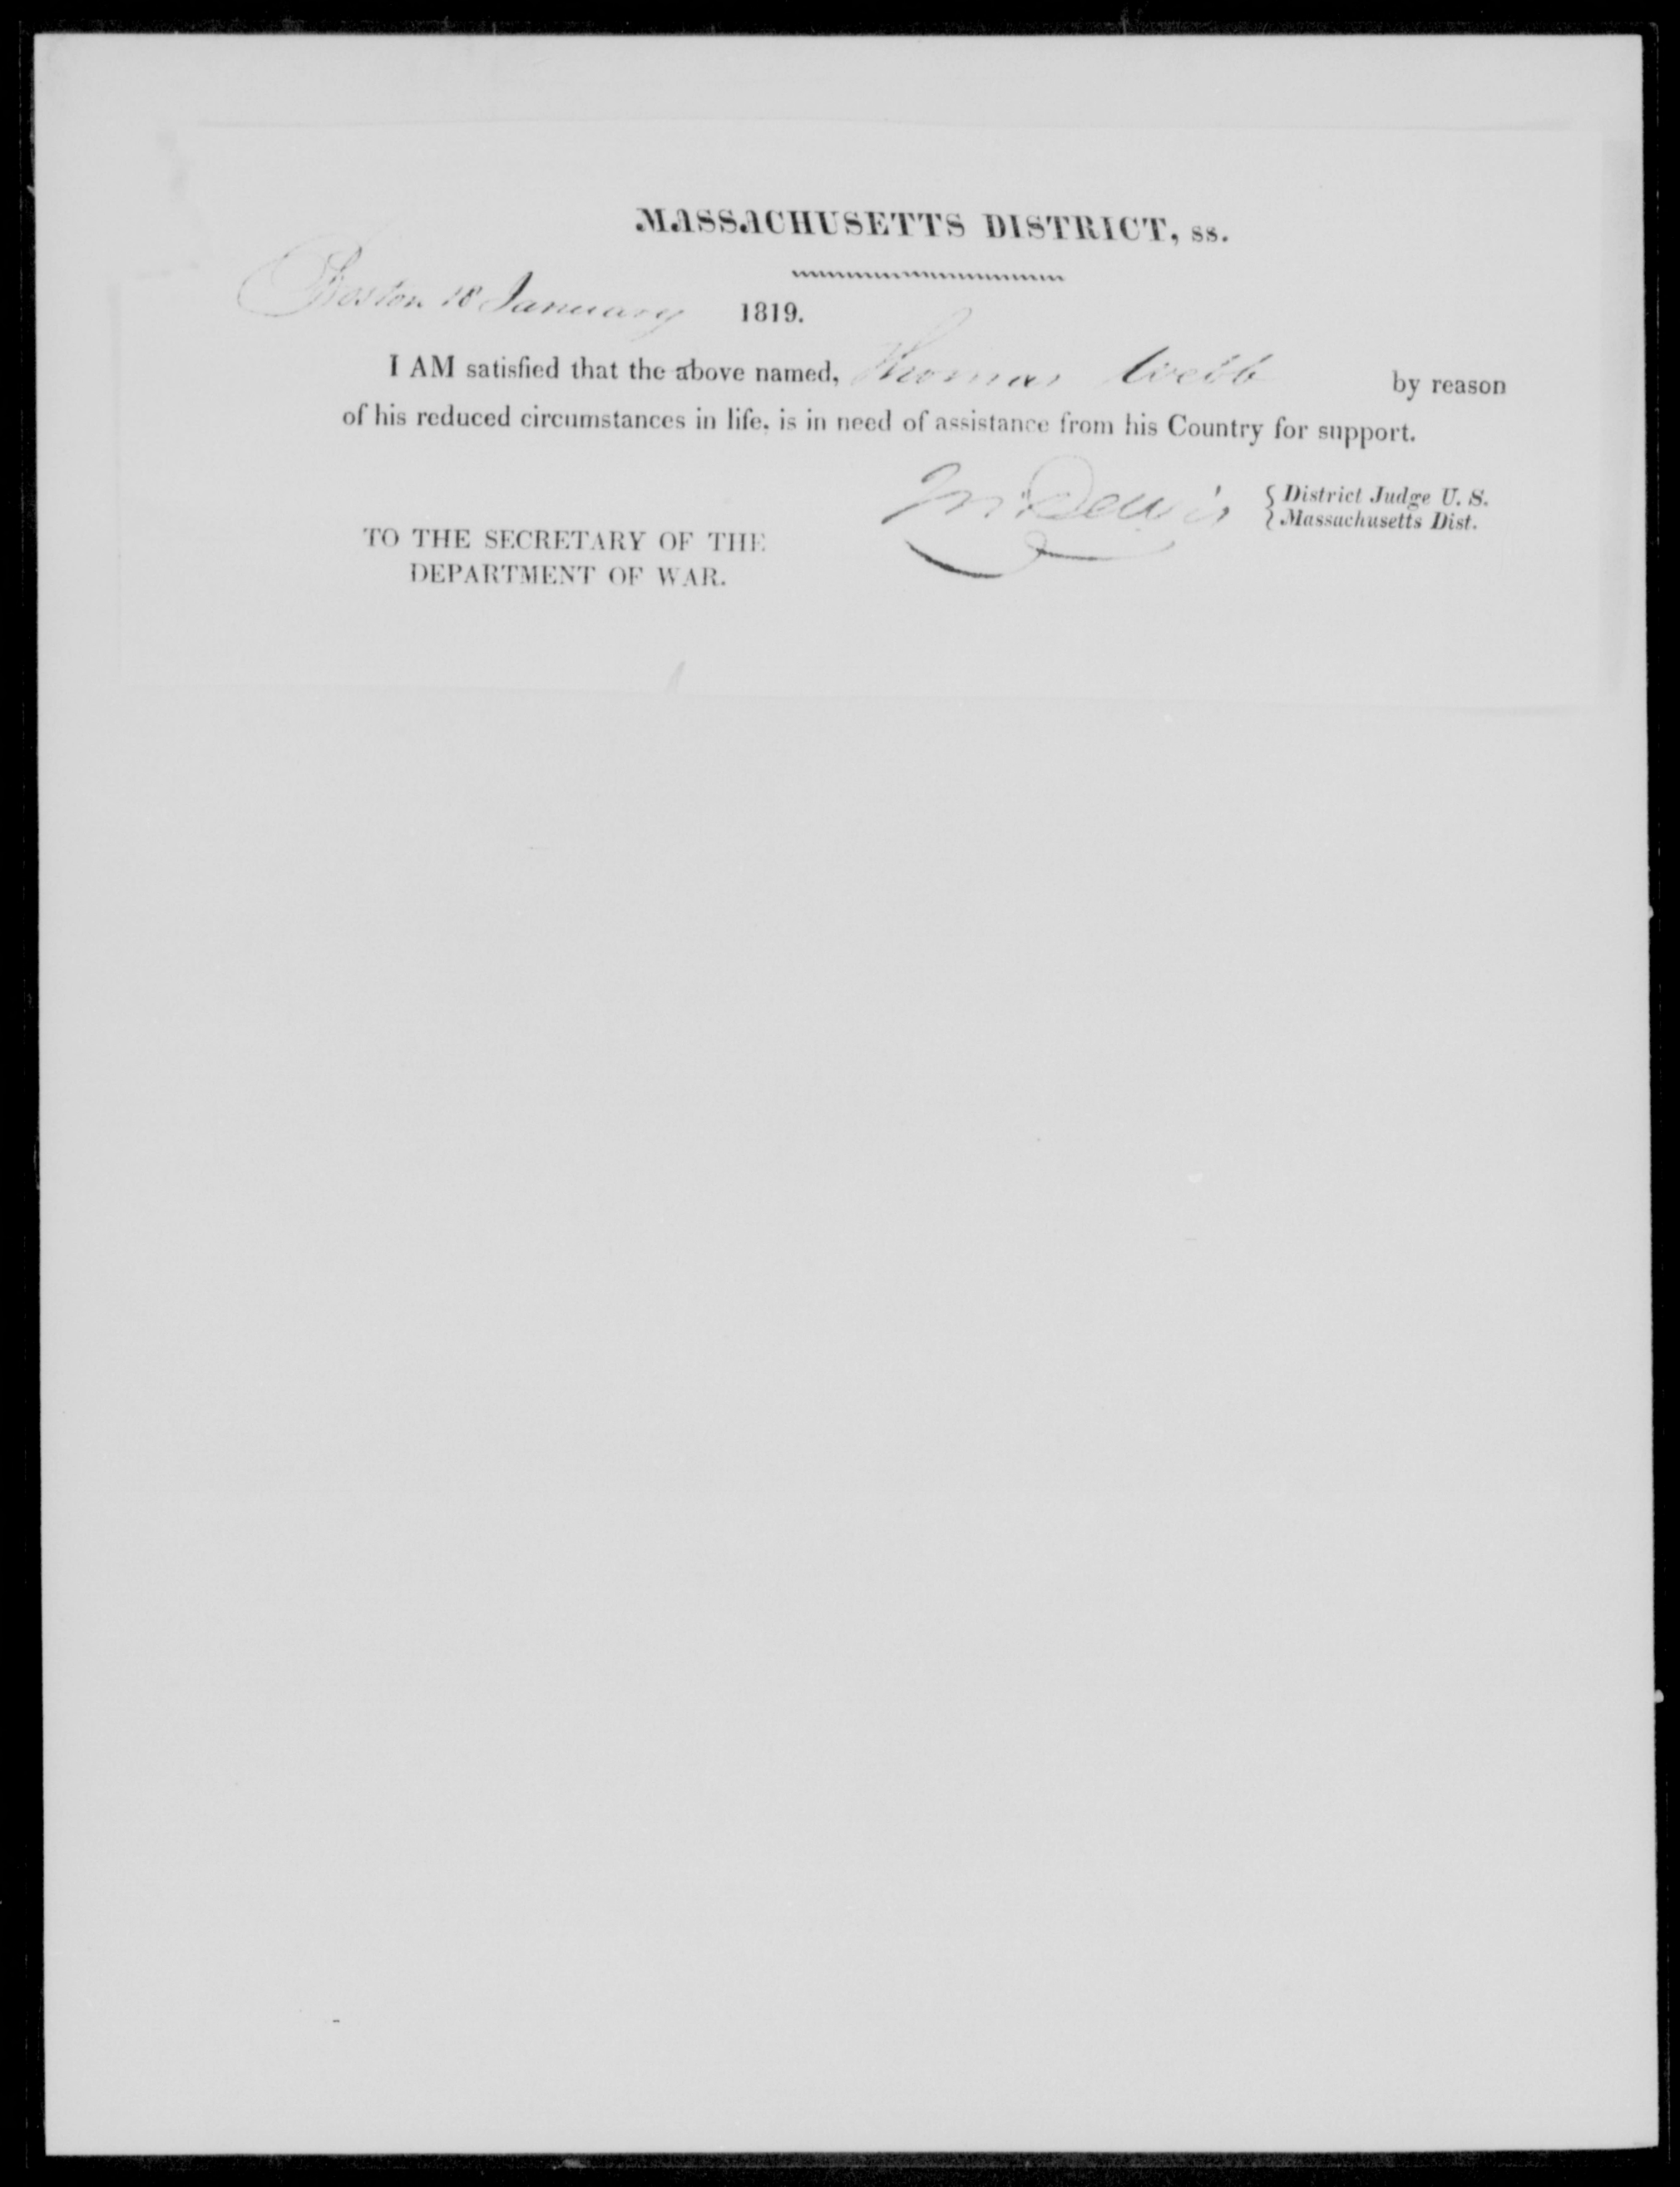Massachusetts District, SS
Boston 18 January 1819

I am satisfied that the above named, Thomas Webb, by reason of his reduced circumstances in life, is in need of assistance from his Country for support.
Jno. Davis, District Judge U. S. Massachusetts District

To the Secretary of the Department of War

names: Thomas Webb, Jno Davis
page: 4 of 14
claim: survivor's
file: S. 33888, Thomas Webb, Mass.